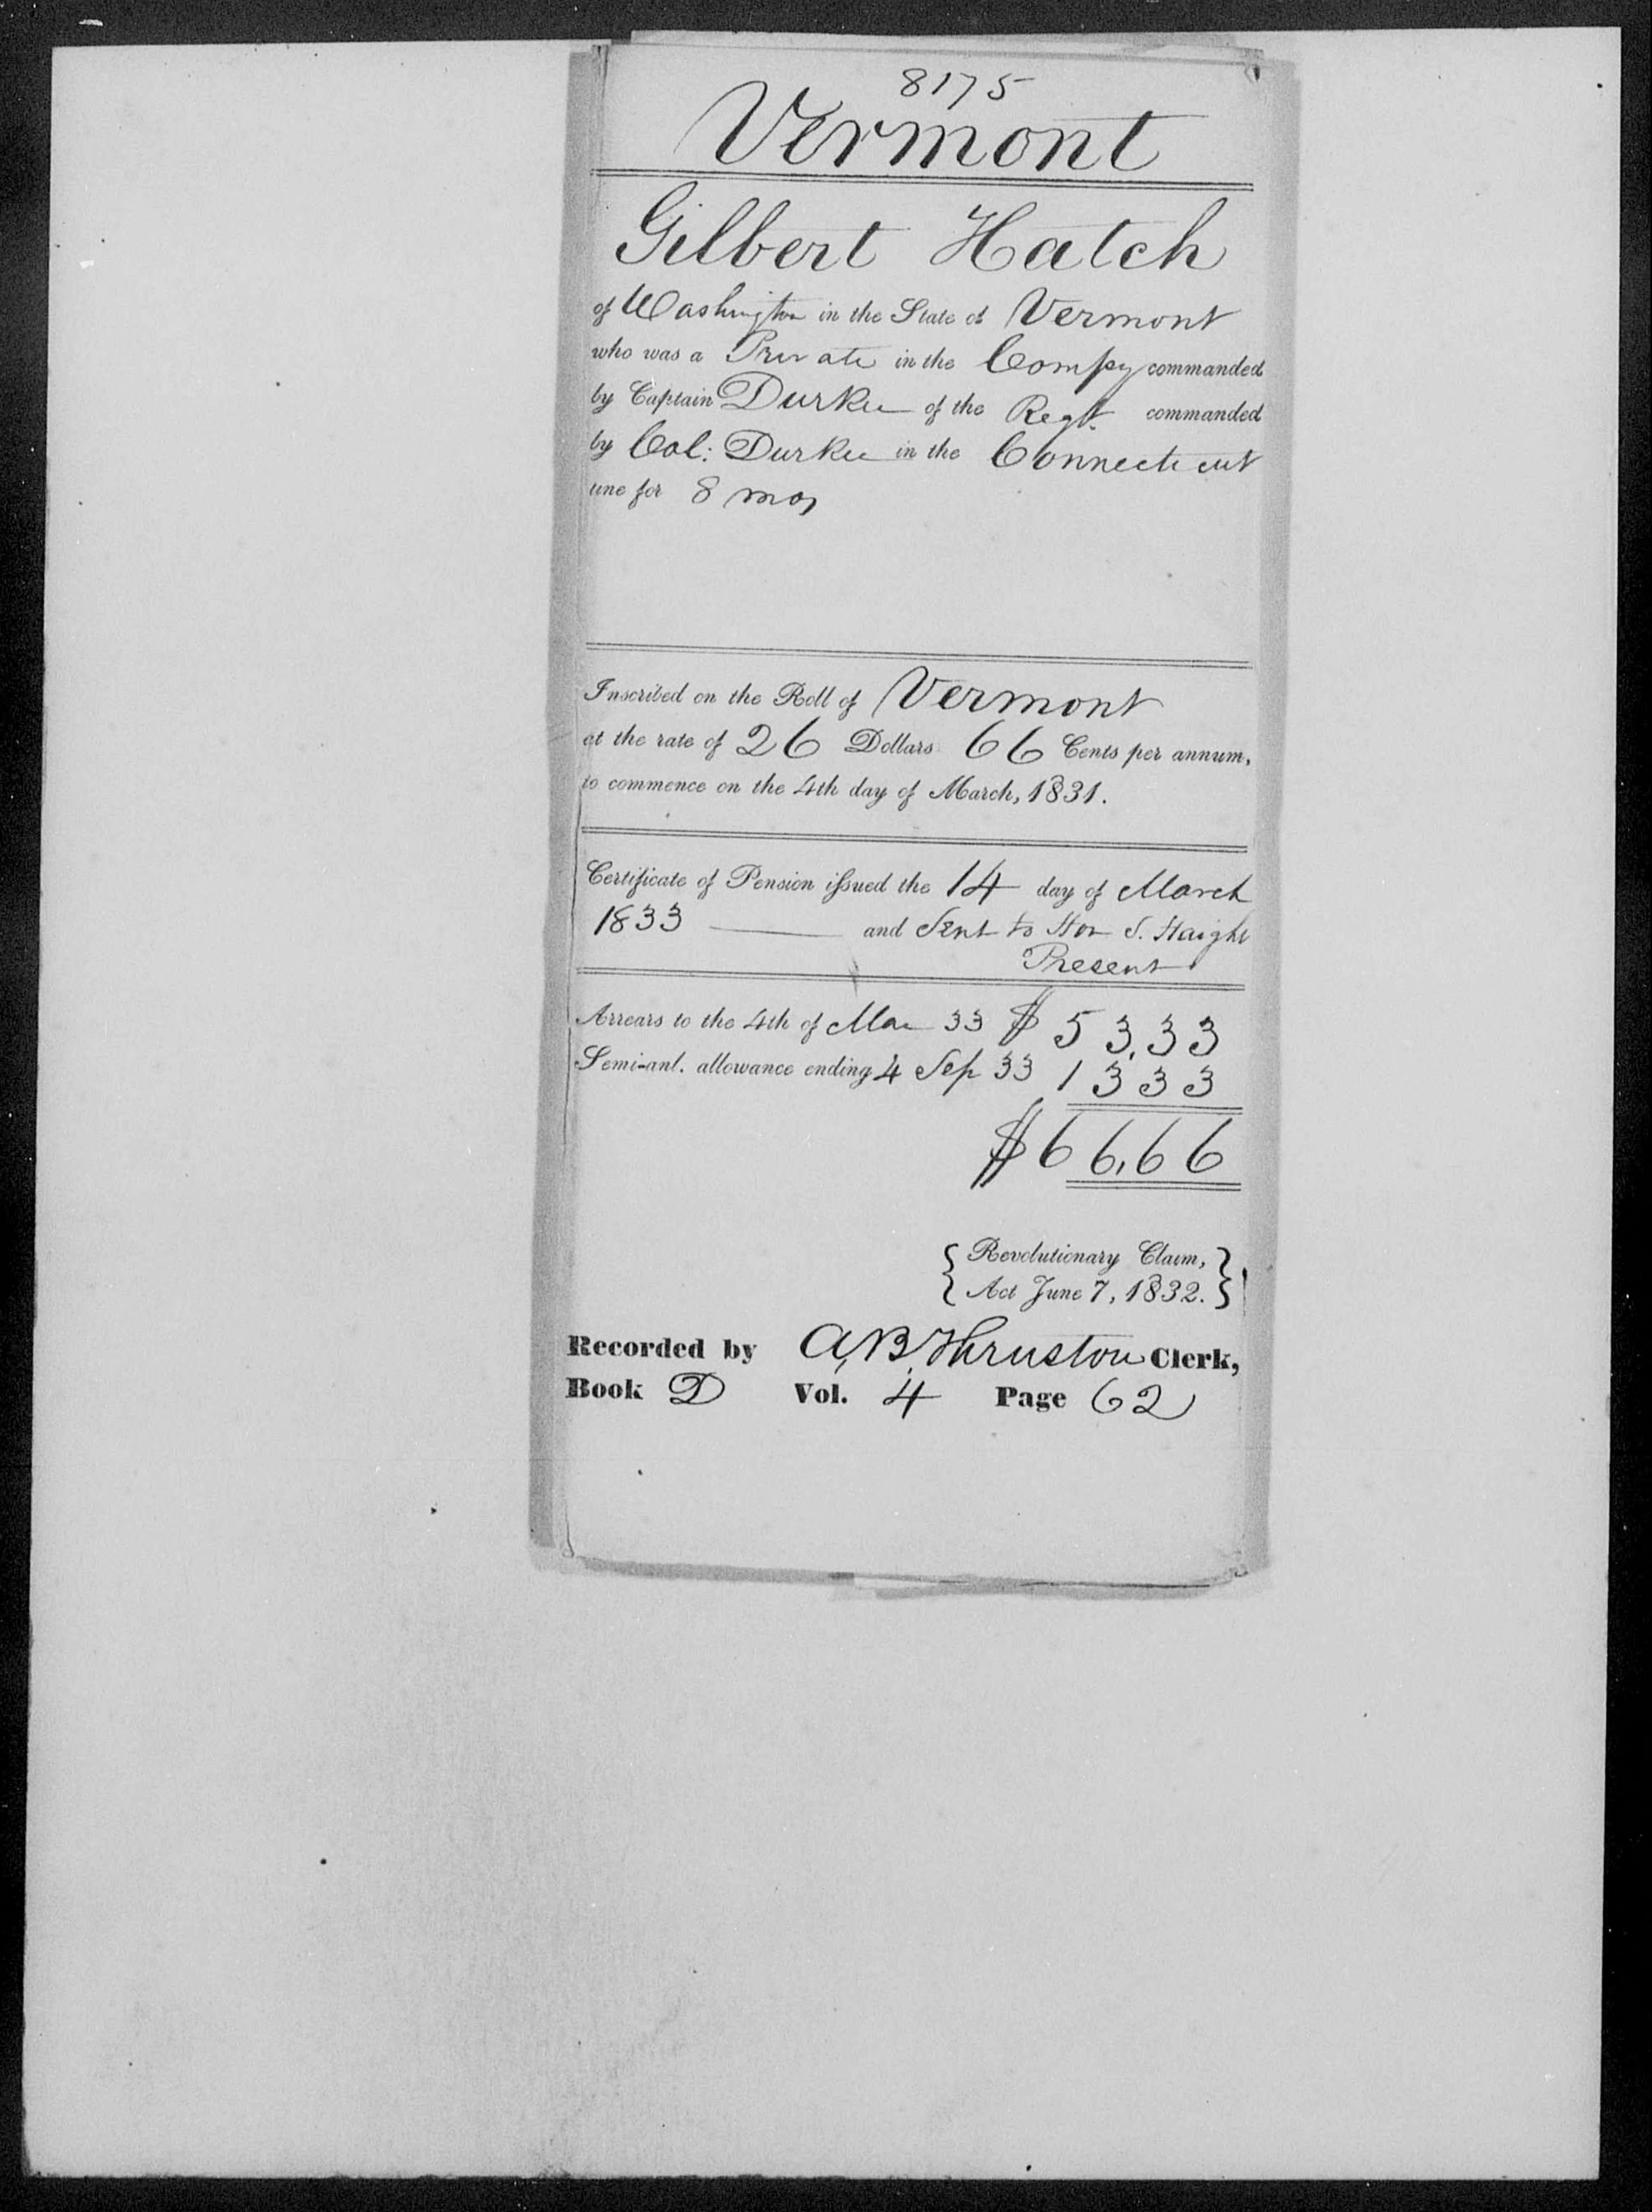8175
Vermont

=============
Gilbert Hatch
of Washington in the State of Vermont
who was a Private in the Compy commanded
by Captain Durkee of the Regt. commanded
by Col. Durkee in the Connecticut
line for 8 mos

=============
Inscribed on the Roll of Vermont
at the rate of 26 Dollars 66 Cents per annum,
to commence on the 4th day of March, 1831.

=============
Certificate of Pension issued the 14 day of March
1833 - and sent to Hon S. Haight
Present

=============
Arrears to the 4th of Mar 33        $53.33
Semi-anl. allowance ending 4 Sep 33 $13.33
                                    ======
				    $66.66

{ Revolutionary Claim,
Act June 7, 1832. }

Recorded by A. B Thruston Clerk,
Book D Vol. 4 Page 62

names: S Haight, A B Thruston, Gilbert Hatch, Durkee, Durkee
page: 2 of 47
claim: widow's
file: W. 225, Gilbert Hatch, Conn.